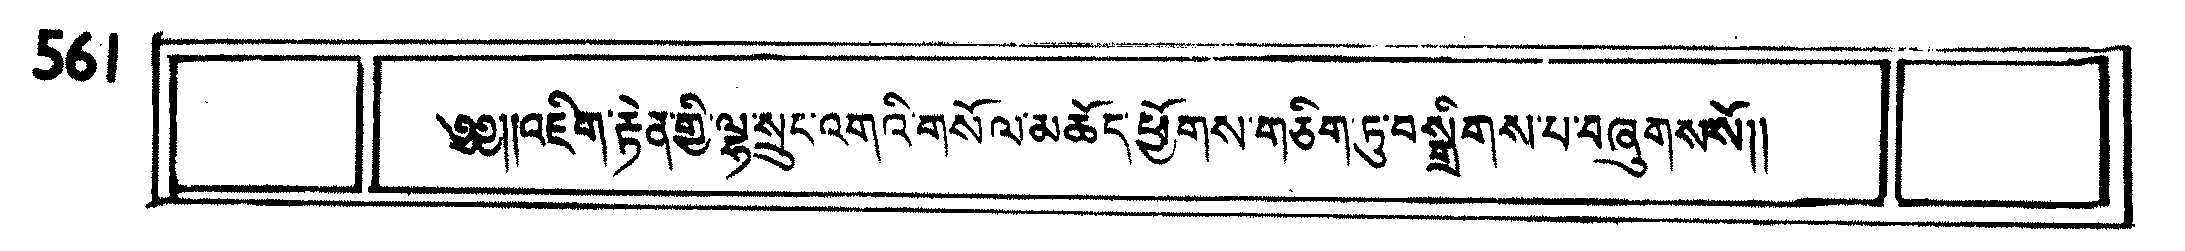༄༅། །འཇིག་རྟེན་གྱི་ལྷ་སྲུང་འགའི་གསོལ་མཆོད་ཕྱོགས་གཅིག་ཏུ་བསྒྲིགས་པ་བཞུགས་སོ།།